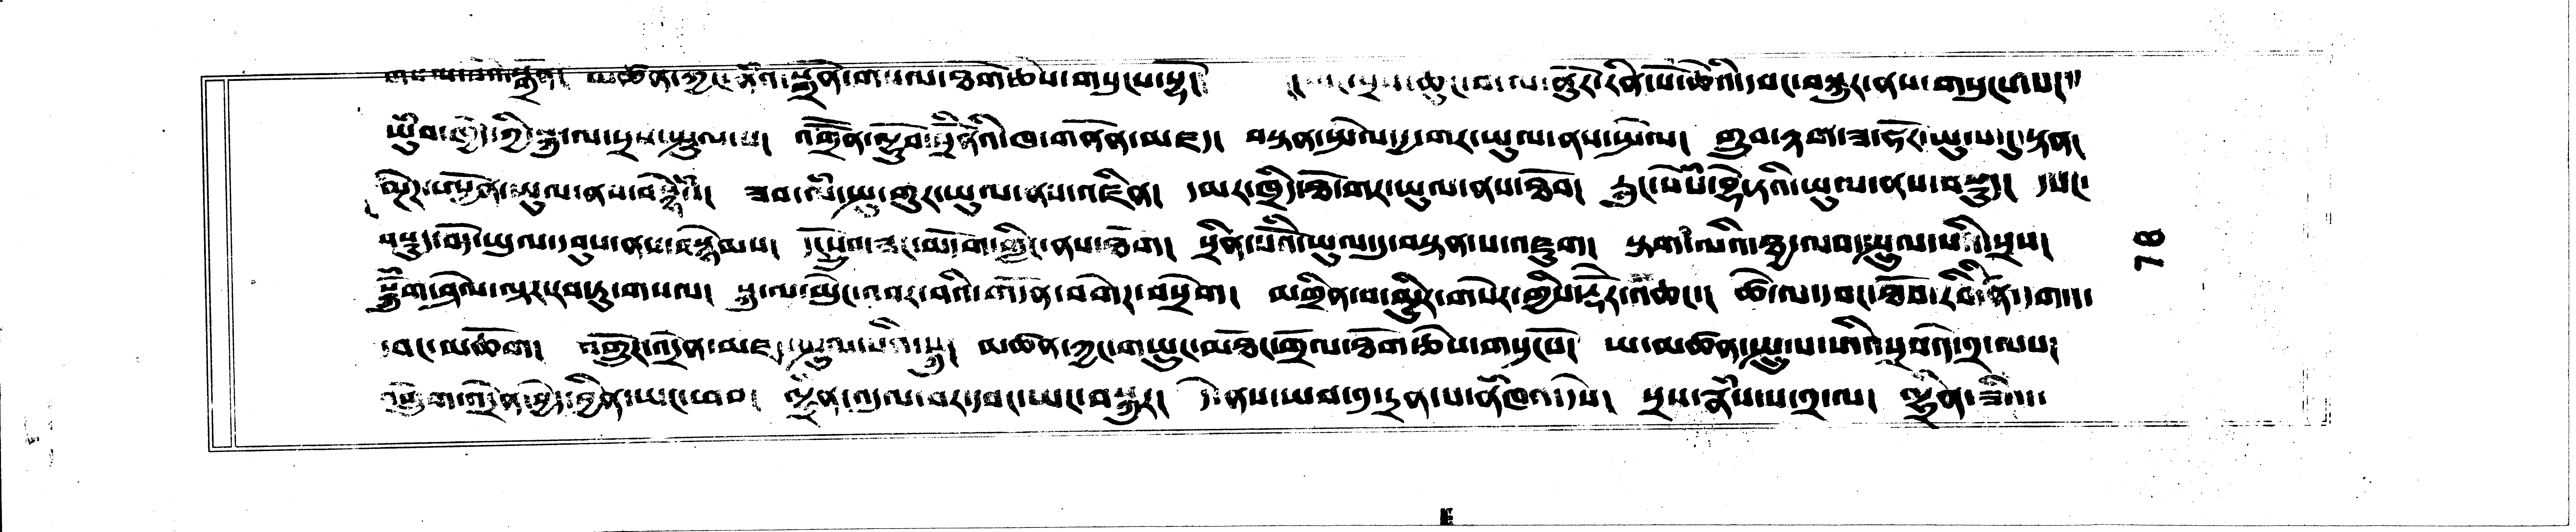གསལ་བའི་སྒྲོན། མཚན་ཀྱང་ནམ་མཁའ་སྒྲོན་གསལ་ཐོགས་ཞེས་གསུངས་སོ། །ཡང་སྲས་ཆུང་བ་ལ་ནོར་བུ་རིན་པོ་ཆེའི་དབང་བསྐུར་ནས་གསུངས་པ། 
ཡབ་ཡུམ་ཁྱེད་ཀྱི་སྐུ་ལ་སྲས་སྤྲུལ་པ། འགྲོ་དོན་ལྷོ་ནུབ་སྲིན་པོའི་ཁ་གནོན་མཛད། བསྟན་སྤེལ་རྒྱ་གར་ཡུལ་ནས་སྤེལ། གྲུབ་རྟགས་ཟ་ཧོར་ཡུལ་དུ་བསྟན།
མན་ངག་ཨོ་རྒྱན་ཡུལ་ནས་བསྙེམས། ཟབ་ལམ་སྤུ་གུར་ཡུལ་ནས་འཛིན། དམར་ཁྲིད་ཐོ་གར་ཡུལ་ནས་ཐོབ། རླུང་སེམས་བྷེ་ཏའི་ཡུལ་ནས་བསྡུད། དབང་
སྡུད་བོད་ཡུལ་དབུས་ནས་བསྙེམས། དངོས་གྲུབ་ཟངས་མདོག་གླིང་ནས་ཐོག སྲིན་པོའི་ཡུལ་དུ་བསྟན་པ་འཛུགས། སྟག་ལའི་ཐུགས་ལས་སྤྲུལ་པའི་སྲས།
སྐུ་མདོག་ཤེལ་ལྟར་རབ་ཏུ་དཀར། སྐུ་ལ་མེ་དཔུང་འབར་བའི་གདོན་བགེགས་བསྲེགས། མགྲིན་པ་མི་འགྱུར་གསེར་གྱི་རྡོ་རྗེ་འཆང་། ཚེ་ལ་དབང་ཐོག་རིག་འཛིན་དགའ་
དབང་མཆོག འགྲོ་དྲུག་འདྲེན་མཛད་སྤྲུལ་པའི་སྐུ། མཚན་ཡང་གཡུང་དྲུང་མཐོང་གྲོལ་ཐོགས། ཅེས་གསུངས་སོ། །ཡ་མཚན་སྤྲུལ་པའི་སྲས་དེ་གཉིས་ལས།
འགྲོ་དྲུག་འདྲེན་བྱེད་བྱིན་ཡང་ཕབ། ལྷ་སྲིན་འདུལ་བར་དབང་ཡང་བསྐུར། དེ་ནས་ཡབ་གཅིག་དྲན་པ་ནམ་མཁའ་དེས། སྲས་རྣམ་པ་གཉིས་ལ། ལྷ་སྲིན་ཟིལ་